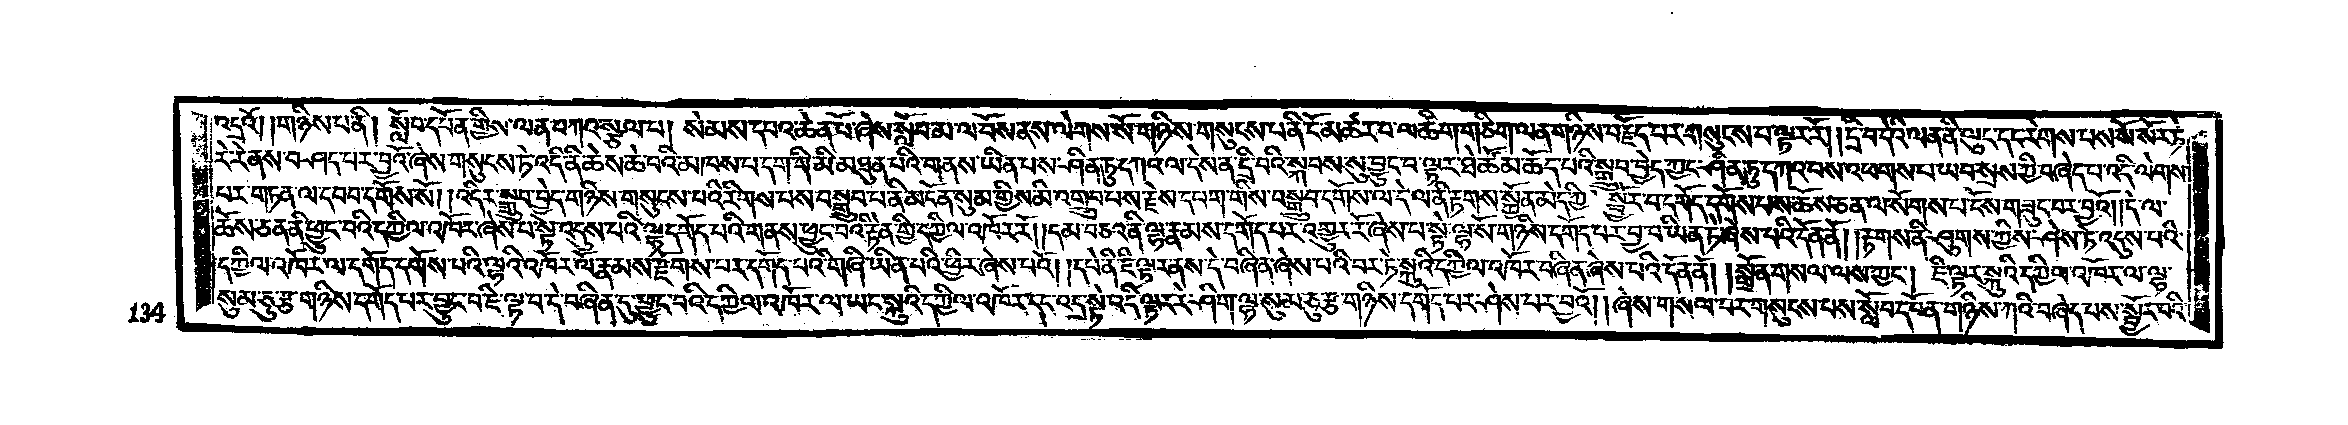འདྲའོ། །གཉིས་པ་ནི། སློབ་དཔོན་གྱིས་ལན་བཀའ་སྩལ་པ། སེམས་དཔའ་ཆེན་པོ་ཞེས་སློབ་མ་ལ་བོས་ནས་ལེགས་སོ་གཉིས་གསུངས་པ་ནི་ངོ་མཚར་བ་ལ་ཚིག་གཅིག་ལན་གཉིས་བརྗོད་པར་གསུངས་པ་ལྟར་རོ། །དྲི་བ་དེའི་ལན་ནི་ལུང་དང་རིགས་པས་སོ་སོར་ཏེ་
རེ་རེ་ནས་བཤད་པར་བྱའོ་ཞེས་གསུངས་ཏེ་འདི་ནི་ཆེས་ཆེ་བའི་མཁས་པ་དག་གི་མི་མཐུན་པའི་གནས་ཡིན་པས་ཤིན་ཏུ་དཀའ་ལ་དེས་ན་དྲི་བའི་སྐབས་སུ་བྱུང་བ་ལྟར་ཐེ་ཚོམ་ཆོད་པའི་སྒྲུབ་བྱེད་ཀྱང་ཤིན་ཏུ་དཀའ་བས་འཕགས་པ་ཡབ་སྲས་ཀྱི་བཞེད་པ་འདི་ལེགས་
པར་གཏན་ལ་དབབ་དགོས་སོ། །འདིར་སྒྲུབ་བྱེད་གཉིས་གསུངས་པའི་རིགས་པས་བསྒྲུབ་པ་ནི་མངོན་སུམ་གྱིས་མི་འགྲུབ་པས་རྗེས་དཔག་གིས་བསྒྲུབ་དགོས་ལ་དེ་ལ་ནི་རྟགས་སྐྱོན་མེད་ཀྱི་སྦྱོར་བ་དགོད་དགོས་པས་ཆོས་ཅན་ལ་སོགས་པ་ངོས་གཟུང་བར་བྱའོ། །དེ་ལ་
ཆོས་ཅན་ནི་ཕྱུང་བའི་དཀྱིལ་འཁོར་ཞེས་པ་སྟེ་འདུས་པའི་ལྷ་དགོད་པའི་གནས་ཕྱུང་བའི་རྟེན་གྱི་དཀྱིལ་འཁོར་རོ། །དམ་བཅའ་ནི་ལྷ་རྣམས་དགོད་པར་འགྱུར་རོ་ཞེས་པ་སྟེ་ལྷ་སོ་གཉིས་དགོད་པར་བྱ་བ་ཡིན་ཏེ་ཞེས་པའི་དོན་ནོ། །རྟགས་ནི་ཤུགས་ཀྱིས་ཤེས་ཏེ་འདུས་པའི་
དཀྱིལ་འཁོར་ལ་དགོད་དགོས་པའི་ལྷའི་འཁོར་ལོ་རྣམས་རྫོགས་པར་དགོད་པའི་གཞི་ཡིན་པའི་ཕྱིར་ཞེས་པའོ། །དཔེ་ནི་ཇི་ལྟར་ནས་དེ་བཞིན་ཞེས་པའི་བར་ཏེ་སྐུའི་དཀྱིལ་འཁོར་བཞིན་ཞེས་པའི་དོན་ནོ། །སྒྲོན་གསལ་ལས་ཀྱང་། ཇི་ལྟར་སྐུའི་དཀྱིལ་འཁོར་ལ་ལྷ་
སུམ་ཅུ་རྩ་གཉིས་དགོད་པར་བྱུང་བ་ཇི་ལྟ་བ་དེ་བཞིན་དུ་ཕྱུང་བའི་དཀྱིལ་འཁོར་ལ་ཡང་སྐུའི་དཀྱིལ་འཁོར་དང་འདྲ་སྟེ་འདི་ལྟར་རེ་ཤིག་ལྷ་སུམ་ཅུ་རྩ་གཉིས་དགོད་པར་ཤེས་པར་བྱའོ། །ཞེས་གསལ་བར་གསུངས་པས་སློབ་དཔོན་གཉིས་ཀའི་བཞེད་པས་སྦྱོར་བའི་